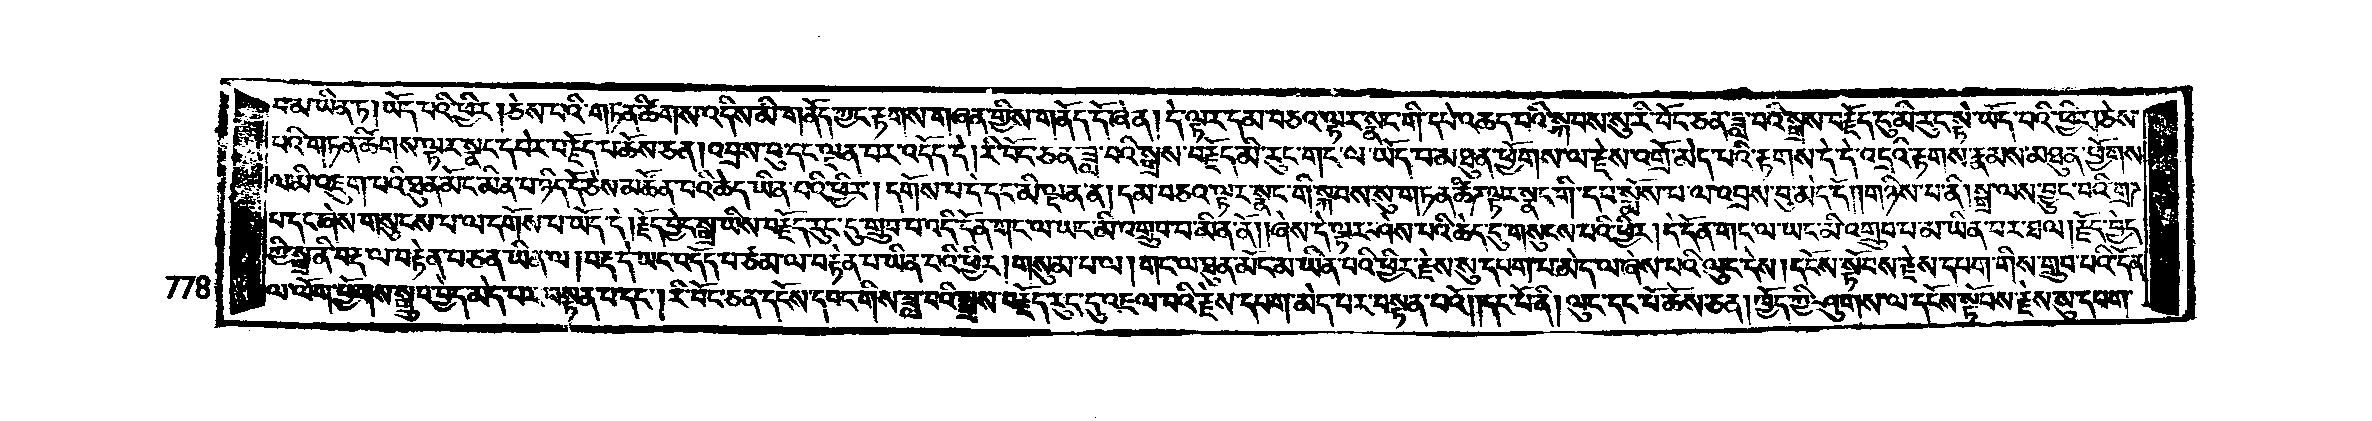བ་མ་ཡིན་ཏེ། ཡོད་པའི་ཕྱིར། ཅེས་པའི་གཏན་ཚིགས་འདིས་མི་གནོད་ཀྱང་རྟགས་གཞན་གྱིས་གནོད་དོ་ཞེ་ན། དེ་ལྟར་དམ་བཅའ་ལྟར་སྣང་གི་དཔེ་འཆད་པའི་སྐབས་སུ་རི་བོང་ཅན་ཟླ་བའི་སྒྲས་བརྗོད་དུ་མི་རུང་སྟེ་ཡོད་པའི་ཕྱིར། ཅེས་
པའི་གཏན་ཚིགས་ལྟར་སྣང་དཔེར་བརྗོད་པ་ཆོས་ཅན། འབྲས་བུ་དང་ལྡན་པར་འདོད་དེ། རི་བོང་ཅན་ཟླ་བའི་སྒྲས་བརྗོད་མི་རུང་གང་ལ་ཡོད་པ་མཐུན་ཕྱོགས་ལ་རྗེས་འགྲོ་མེད་པའི་རྟགས་དེ་དེ་འདྲའི་རྟགས་རྣམས་མཐུན་ཕྱོགས་
ལ་མི་འཇུག་པའི་ཐུན་མོང་མིན་པ་ཉིད་དོ་ཅེས་མཚོན་པའི་ཆེད་ཡིན་པའི་ཕྱིར། དགོས་པ་དེ་དང་མི་ལྡན་ན། དམ་བཅའ་ལྟར་སྣང་གི་སྐབས་སུ་གཏན་ཚིགས་ལྟར་སྣང་གི་དཔེ་སྨོས་པ་ལ་འབྲས་བུ་མེད་དོ། །གཉིས་པ་ནི། སྒྲ་ལས་བྱུང་བའི་གྲགས་
པ་དང་ཞེས་གསུངས་པ་ལ་དགོས་པ་ཡོད་དེ། རྗོད་བྱེད་སྒྲ་ཡིས་བརྗོད་རུང་དུ་གྲུབ་པ་འདི་དོན་གང་ལ་ཡང་མི་འགྲུབ་པ་མིན་ནོ། །ཞེས་དེ་ལྟར་ཤེས་པའི་ཆེད་དུ་གསུངས་པའི་ཕྱིར། དེ་དོན་གང་ལ་ཡང་མི་འགྲུབ་པ་མ་ཡིན་པར་ཐལ། རྗོད་བྱེད་
ཀྱི་སྒྲ་ནི་བརྡ་ལ་བརྟེན་པ་ཅན་ཡིན་ལ། བརྡ་དེ་ཡང་འདོད་པ་ཙམ་ལ་བརྟེན་པ་ཡིན་པའི་ཕྱིར། གསུམ་པ་ལ། གང་ལ་ཐུན་མོང་མ་ཡིན་པའི་ཕྱིར་རྗེས་སུ་དཔག་པ་མེད་ལ་ཞེས་པའི་ལུང་དེས། དངོས་སྟོབས་རྗེས་དཔག་གིས་གྲུབ་པའི་དོན་
ལ་ལོག་ཕྱོགས་སྒྲུབ་བྱེད་མེད་པར་བསྟན་པ་དང་། རི་བོང་ཅན་དངོས་དབང་གིས་ཟླ་བའི་སྒྲས་བརྗོད་རུང་དུ་འཇལ་བའི་རྗེས་དཔག་མེད་པར་བསྟན་པའོ། །དང་པོ་ནི། ལུང་དང་པོ་ཆོས་ཅན། ཁྱོད་ཀྱི་ཤུགས་ལ་དངོས་སྟོབས་རྗེས་སུ་དཔག་